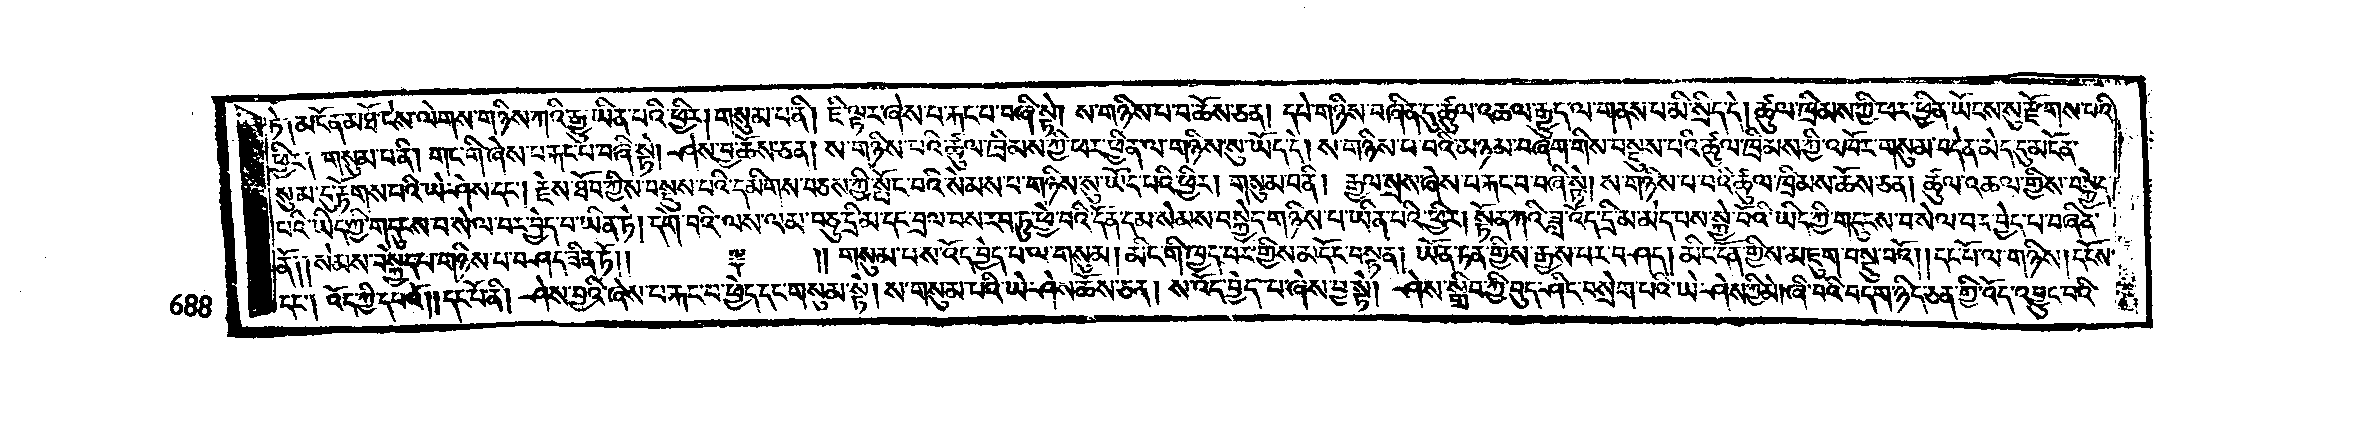ཏེ། མངོན་མཐོ་ངེས་ལེགས་གཉིས་ཀའི་རྒྱུ་ཡིན་པའི་ཕྱིར། གསུམ་པ་ནི། ཇི་ལྟར་ཞེས་པ་རྐང་པ་བཞི་སྟེ། ས་གཉིས་པ་བ་ཆོས་ཅན། དཔེ་གཉིས་བཞིན་དུ་ཚུལ་འཆལ་རྒྱུད་ལ་གནས་པ་མི་སྲིད་དེ། ཚུལ་ཁྲིམས་ཀྱི་ཕར་ཕྱིན་ཡོངས་སུ་རྫོགས་པའི་
ཕྱིར༑ གསུམ་པ་ནི། གང་གི་ཞེས་པ་རྐང་པ་བཞི་སྟེ། ཤེས་བྱ་ཆོས་ཅན། ས་གཉིས་པའི་ཚུལ་ཁྲིམས་ཀྱི་ཕར་ཕྱིན་ལ་གཉིས་སུ་ཡོད་དེ། ས་གཉིས་པ་བའི་མཉམ་བཞག་གིས་བསྡུས་པའི་ཚུལ་ཁྲིམས་ཀྱི་འཁོར་གསུམ་བདེན་མེད་དུ་མངོན་
སུམ་དུ་རྟོགས་པའི་ཡེ་ཤེས་དང་། རྗེས་ཐོབ་ཀྱིས་བསྡུས་པའི་དམིགས་བཅས་ཀྱི་སྤོང་བའི་སེམས་པ་གཉིས་སུ་ཡོད་པའི་ཕྱིར། གསུམ་པ་ནི། རྒྱལ་སྲས་ཞེས་པ་རྐང་བ་བཞི་སྟེ། ས་གཉིས་པ་བའི་ཚུལ་ཁྲིམས་ཆོས་ཅན། ཚུལ་འཆལ་གྱིས་བསྐྱེད་
པའི་ཡིད་ཀྱི་གདུངས་བ་སེལ་བར་བྱེད་པ་ཡིན་ཏེ། དགེ་བའི་ལས་ལམ་བཅུ་དྲི་མ་དང་བྲལ་བས་རབ་ཏུ་ཕྱེ་བའི་དོན་དམ་སེམས་བསྐྱེད་གཉིས་པ་ཡིན་པའི་ཕྱིར། སྟོན་ཀའི་ཟླ་འོད་དྲི་མ་མེད་པས་སྐྱེ་བོའི་ཡིད་ཀྱི་གདུངས་བ་སེལ་བར་བྱེད་པ་བཞིན་
ནོ༑ ༑སེམས་བསྐྱེད་པ་གཉིས་པ་བཤད་ཟིན་ཏོ།། ༈ །།གསུམ་པས་འོད་བྱེད་པ་ལ་གསུམ། མིང་གི་ཁྱད་པར་གྱིས་མདོར་བསྟན། ཡོན་ཏན་གྱིས་རྒྱས་པར་བཤད། མིང་དོན་གྱིས་མཇུག་བསྡུ་བའོ། །དང་པོ་ལ་གཉིས། དངོས་
དང་། འོད་ཀྱི་དཔའོ། །དང་པོ་ནི། ཤེས་བྱའི་ཞེས་པ་རྐང་པ་ཕྱེད་དང་གསུམ་སྟེ། ས་གསུམ་པའི་ཡེ་ཤེས་ཆོས་ཅན། ས་འོད་བྱེད་པ་ཞེས་བྱ་སྟེ། ཤེས་སྒྲིབ་ཀྱི་བུད་ཤིང་བསྲེག་པའི་ཡེ་ཤེས་ཀྱི་མེ། ཞི་བའི་བདག་ཉིད་ཅན་གྱི་འོད་འབྱུང་བའི་